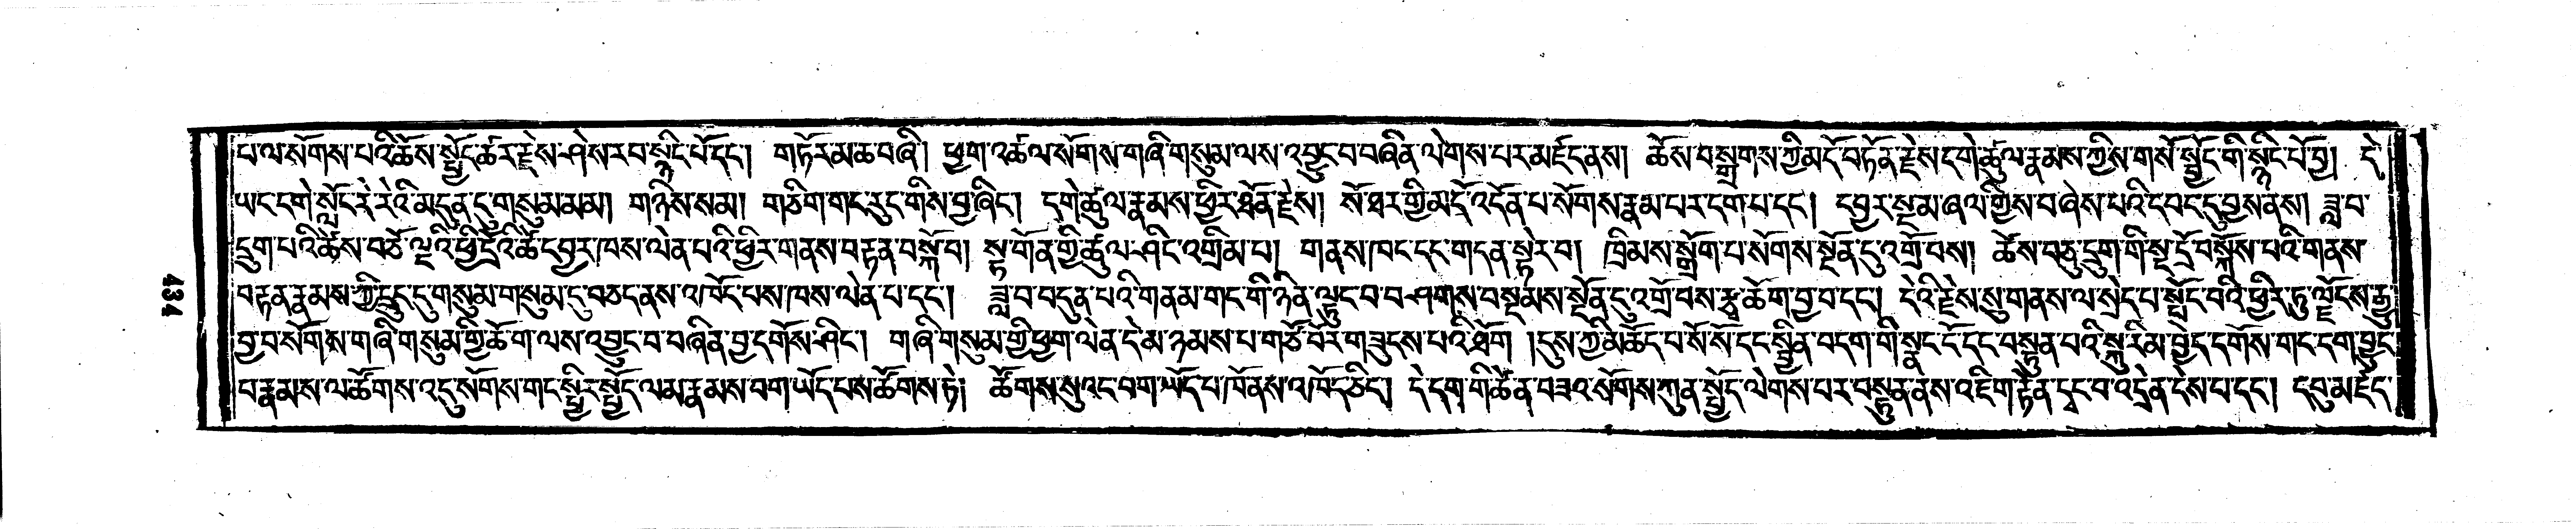པ་ལ་སོགས་པའི་ཆོས་སྤྱོང་ཚར་རྗེས་ཤེས་རབ་སྙིང་པོ་དང་། གཏོར་མ་ཆ་བཞི། ཕྱག་འཚལ་སོགས་གཞི་གསུམ་ལས་འབྱུང་བ་བཞིན་ལེགས་པར་མཛད་ནས། ཆོས་བསྒྲགས་ཀྱི་མདོ་བཏོན་རྗེས་དགེ་ཚུལ་རྣམས་ཀྱིས་གསོ་སྦྱོང་གི་སྙིང་པོ་བྱ། དེ་
ཡང་དགེ་སློང་རེ་རེའི་མདུན་དུ་གསུམ་མམ། གཉིས་སམ། གཅིག་གང་རུང་གིས་བྱ་ཞིང་། དགེ་ཚུ་རྣམས་ཕྱིར་ཐོན་རྗེས། །སོ་ཐར་གྱི་མདོ་འདོན་པ་སོགས་རྣམ་པར་དག་པ་དང་། དབྱར་སྔ་མ་ཞལ་གྱིས་བཞེས་པའི་དབང་དུ་བྱས་ནས། ཟླ་བ་
དྲུག་པའི་ཚེས་བཅོ་ལྔའི་ཕྱི་དྲོའི་ཚེ་དབྱར་ཁས་ལེན་པའི་ཕྱིར་གནས་བརྟན་བསྐོ་བ། སྟ་གོན་གྱི་ཚུལ་ཤིང་འགྲིམ་པ། གནས་ཁང་དང་གདན་སྟེར་བ། ཁྲིམས་སྒྲོག་པ་སོགས་སྔོན་དུ་འགྲོ་བས། ཚེས་བཅུ་དྲུག་གི་སྔ་དྲོ་བ་བསྐོས་པའི་གནས་
བརྟན་རྣམས་ཀྱི་དྲུང་དུ་གསུམ་གསུམ་དུ་བཅད་ནས་འཁོད་པས་ཁས་ལེན་པ་དང་། ཟླ་བ་བདུན་པའི་གནམ་གང་གི་ཉིན་ལྟུང་བ་བཤགས་བསྔམས་སྔོན་དུ་འགྲོ་བས་རྩྭ་ཆོག་བྱ་བ་དང་། དེའི་རྗེས་སུ་གནས་ལ་སྲེད་པ་སྤོང་བའི་ཕྱིར་ཏུ་ལྗོངས་རྒྱུ་
བྱ་བ་སོགས་གཞི་གསུམ་གྱི་ཆོ་ག་ལས་འབྱུང་བ་བཞིན་བྱ་དགོས་ཤིང་། གཞི་གསུམ་གྱི་ཕྱག་ལེན་དེ་མ་ཉམས་པ་གཙོ་བོར་གཟུངས་པའི་ཐོག །དུས་ཀྱི་མཆོད་པ་སོ་སོ་དང་སྦྱིན་བདག་གི་སྣང་ངོ་དང་བསྟུན་པའི་སྐུ་རིམ་བྱེད་དགོས་གང་དག་བྱུང་
པ་རྣམས་ལ་ཚོགས་འདུ་སོགས་གང་སྤྱིར་སྤྱོད་ལམ་རྣམས་བག་ཡོད་པས་ཚོགས་ཏེ། ཚོགས་སུའང་བག་ཡོད་པ་ཁོ་ནས་འཁོད་ཅིང་། དེ་དག་གི་ཚེ་ན་བཟའ་སོགས་ཀུན་སྤྱོད་ལེགས་པར་བསྟུན་ནས་འཇིག་རྟེན་དྭང་བ་འདྲེན་ངེས་པ་དང་། དབུ་མཛད་